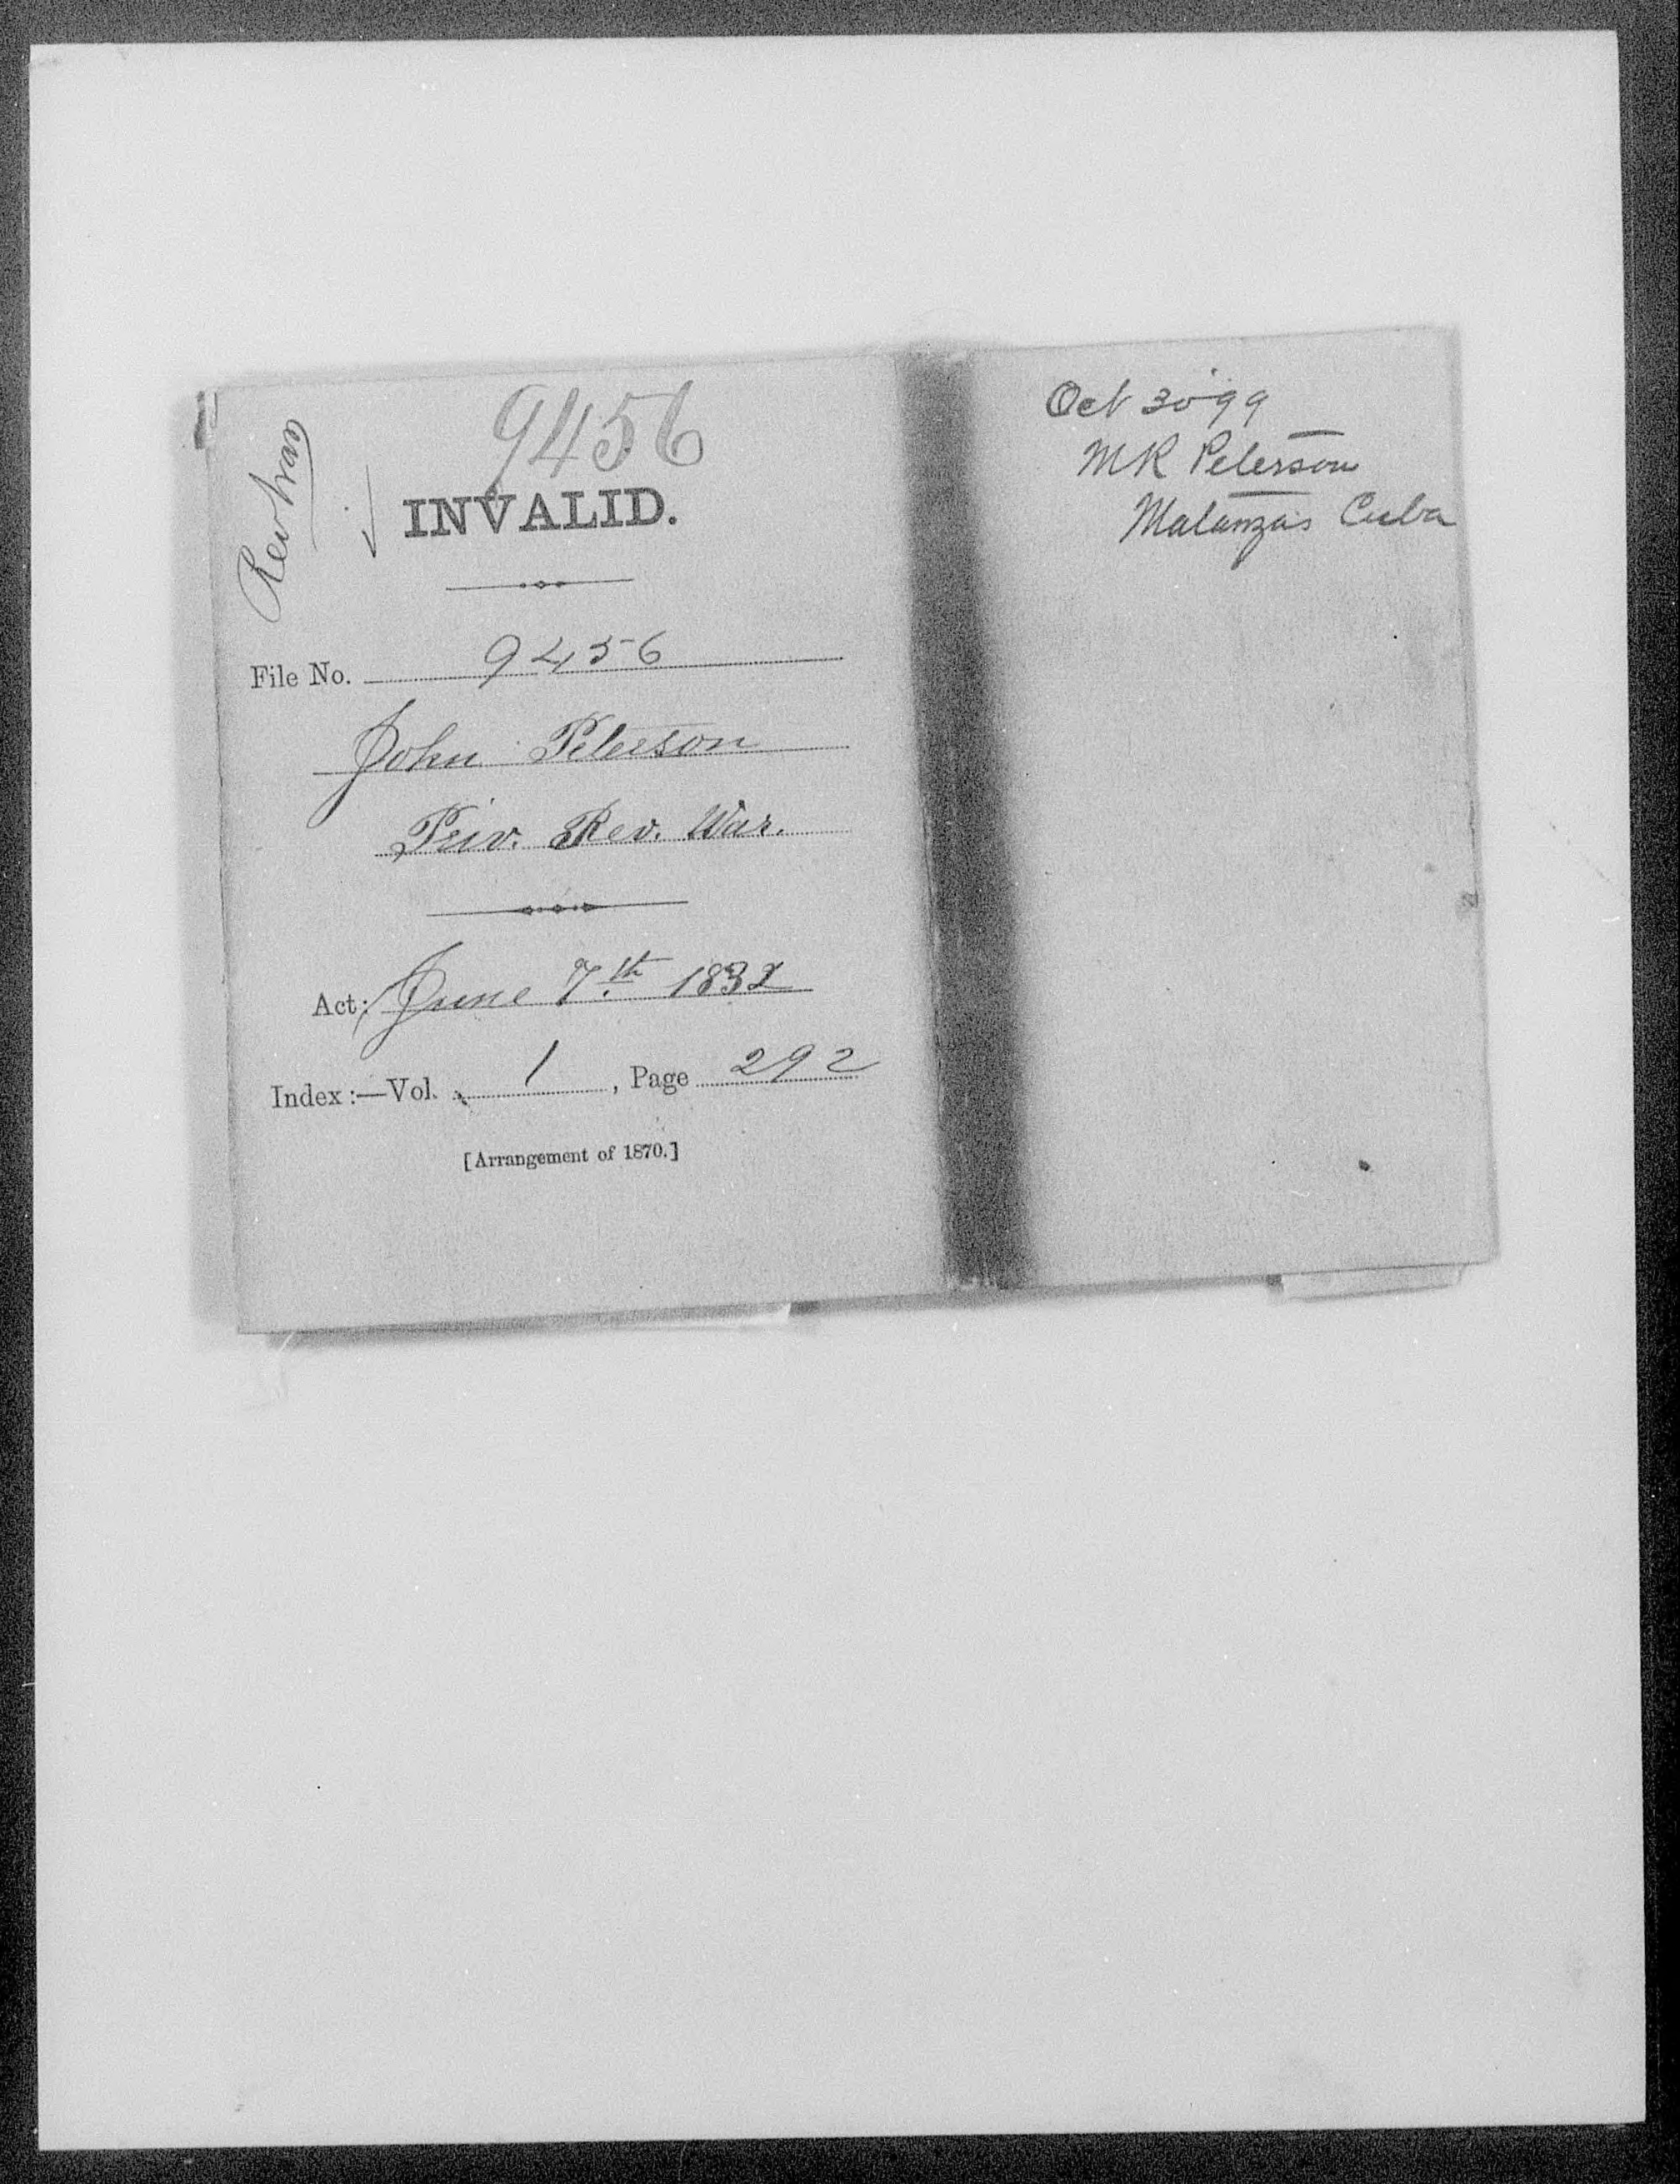9456
INVALID
Rev War
File No. 9456
John Peterson
Priv Rev War
Act: June 7th 1832
Index:- Vol. 1, Page 292

Oct 3099
MR Peterson
Mantazas Cuba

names: M R Peterson; John Peterson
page: 9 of 13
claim: survivor's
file: S. 9,456, for John Peterson, North Carolina